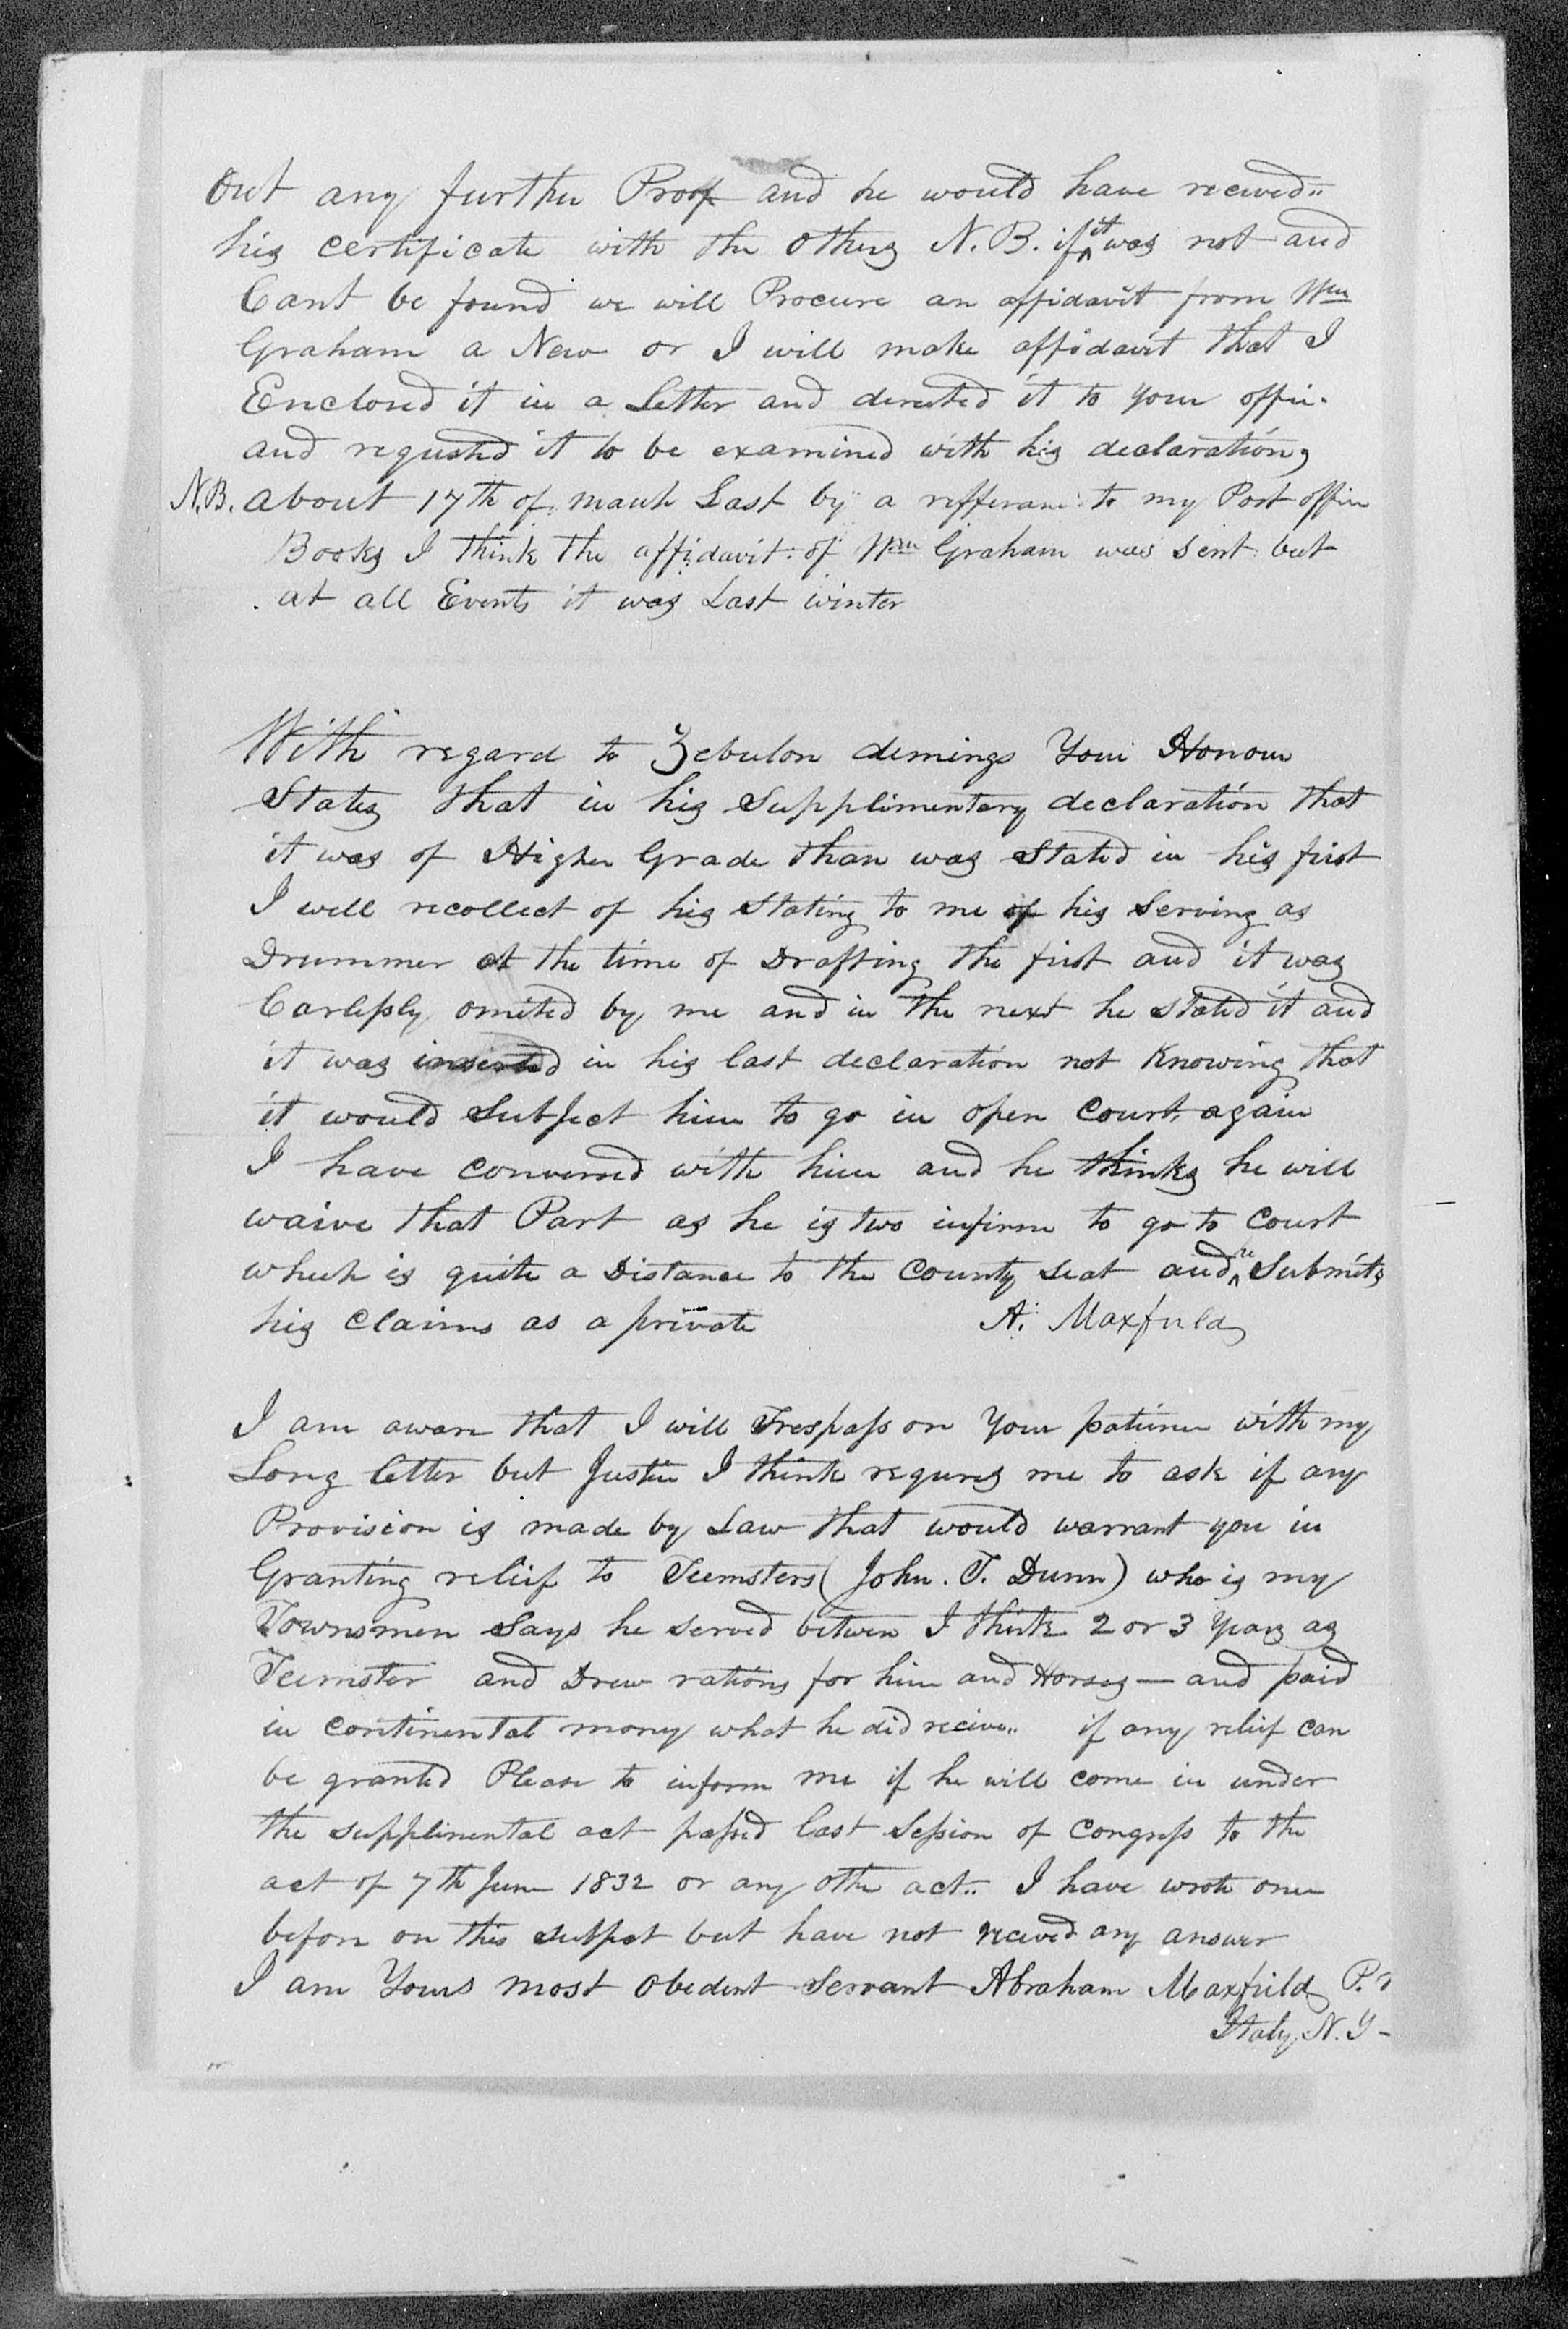out any further Proof and he would have received his certificate with the others N.B. if it was not and cant be found we will Procure an affidavit from Wm Graham a New or I will make affidavit that I Enclosed it in a Letter and directed it to your office. and requested it to be examined with his declaration, N.B. about 17th of March Last by a refferance to my Post office Books I think the affidavit of Wm Graham was sent but at all Events it was Last winter

With regard to Zebulon demings your Honour Stated that in his Supplimentary declaration that it was of Higher Grade than was Stated in his first I will recollect of his Stating to me of his Serving as Drummer at the time of grafting the first and it was Carelessly omited by me and in the next he stated it and it was inserted in his last declaration not know that it would Subject him to go in open Court again
I have conversed with him and he thinks he will waive that Part as he is two infirm to go to Court which is quite a distance to the County Seat and re Submits his claims as a private A. Maxfield

I am aware that I will Trespass on your patience with my Long letter but Justice I think requires me to ask if any Provision is made by Law that would warrant you in Granting relief to Teemsters (John. T. Dunn) who is my Townsmen Says he served between I think 2 or 3 years as Teemster and drew rations for him and Horses - and paid in continental money what he did receive. if any relief can be granted Please to inform me if he will come in under the supplimental act passed last session of Congress to the act of 7th June 1832 or any other act. I have wrote once before on this support but have not received any answer I am Yours most obedient Servant Abraham Maxfield P.
Italy N.Y.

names: John T Dunn, A Maxfield, Wm Graham, Wm Graham, Abraham Maxfield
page: 25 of 28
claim: survivor's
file: S. 22799, John Graham, Mass